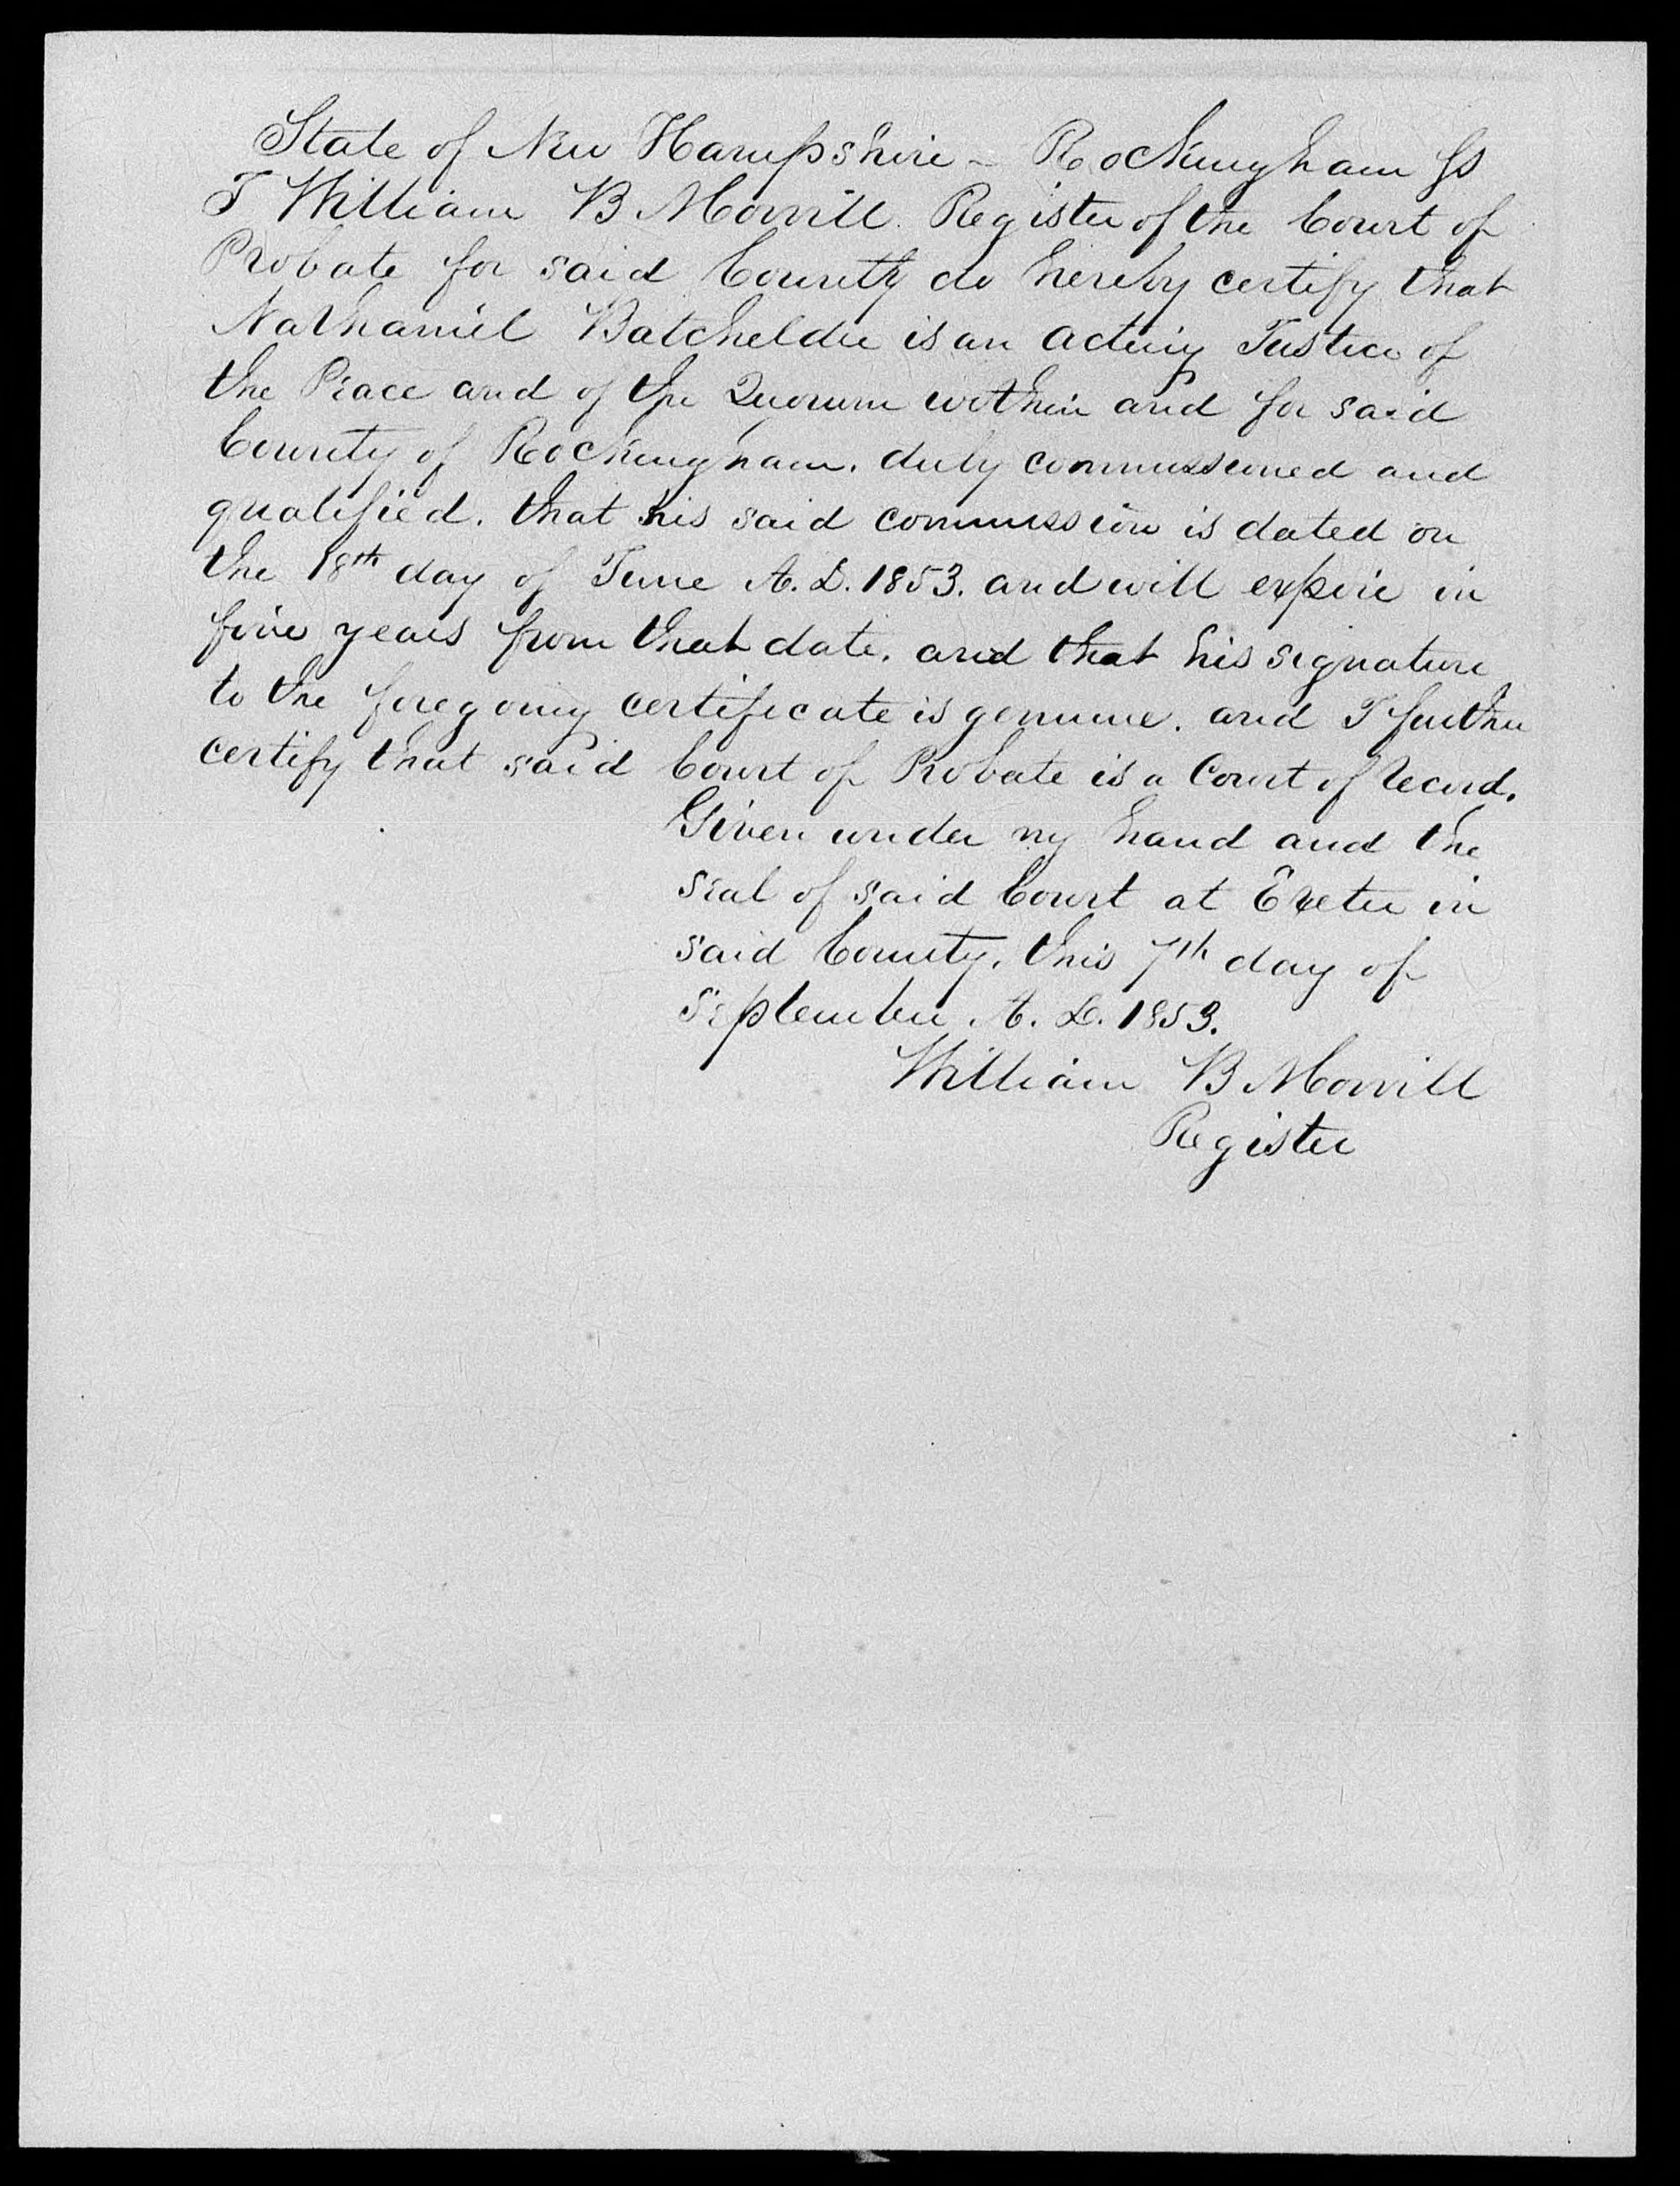State of New Hampshire -
Rockingham Ss
I William B Morrill Register of the Court of
Probate for said County do hereby certify that
Nathaniel Batchelder is an acting Justice of
the Peace and of the Quorum within and for said County of Rockingham, duly commissioned and qualified, that his said commission is dated on the 18th day of June A.D. 1853 and will expire in five years from that date, and that his signature to the foregoing certificate is genuine, and I further certify that said Court of Probate is a Court of Record.
Given under my hand and the seal of said Court at Exeter in said County, this 7th day of
September A.D. 1853.
William B Morrill
Register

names: William B Morrill; Nathaniel Batchelder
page: 52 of 53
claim: widow's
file: W. 492, for Daniel Lamprey, New Hampshire